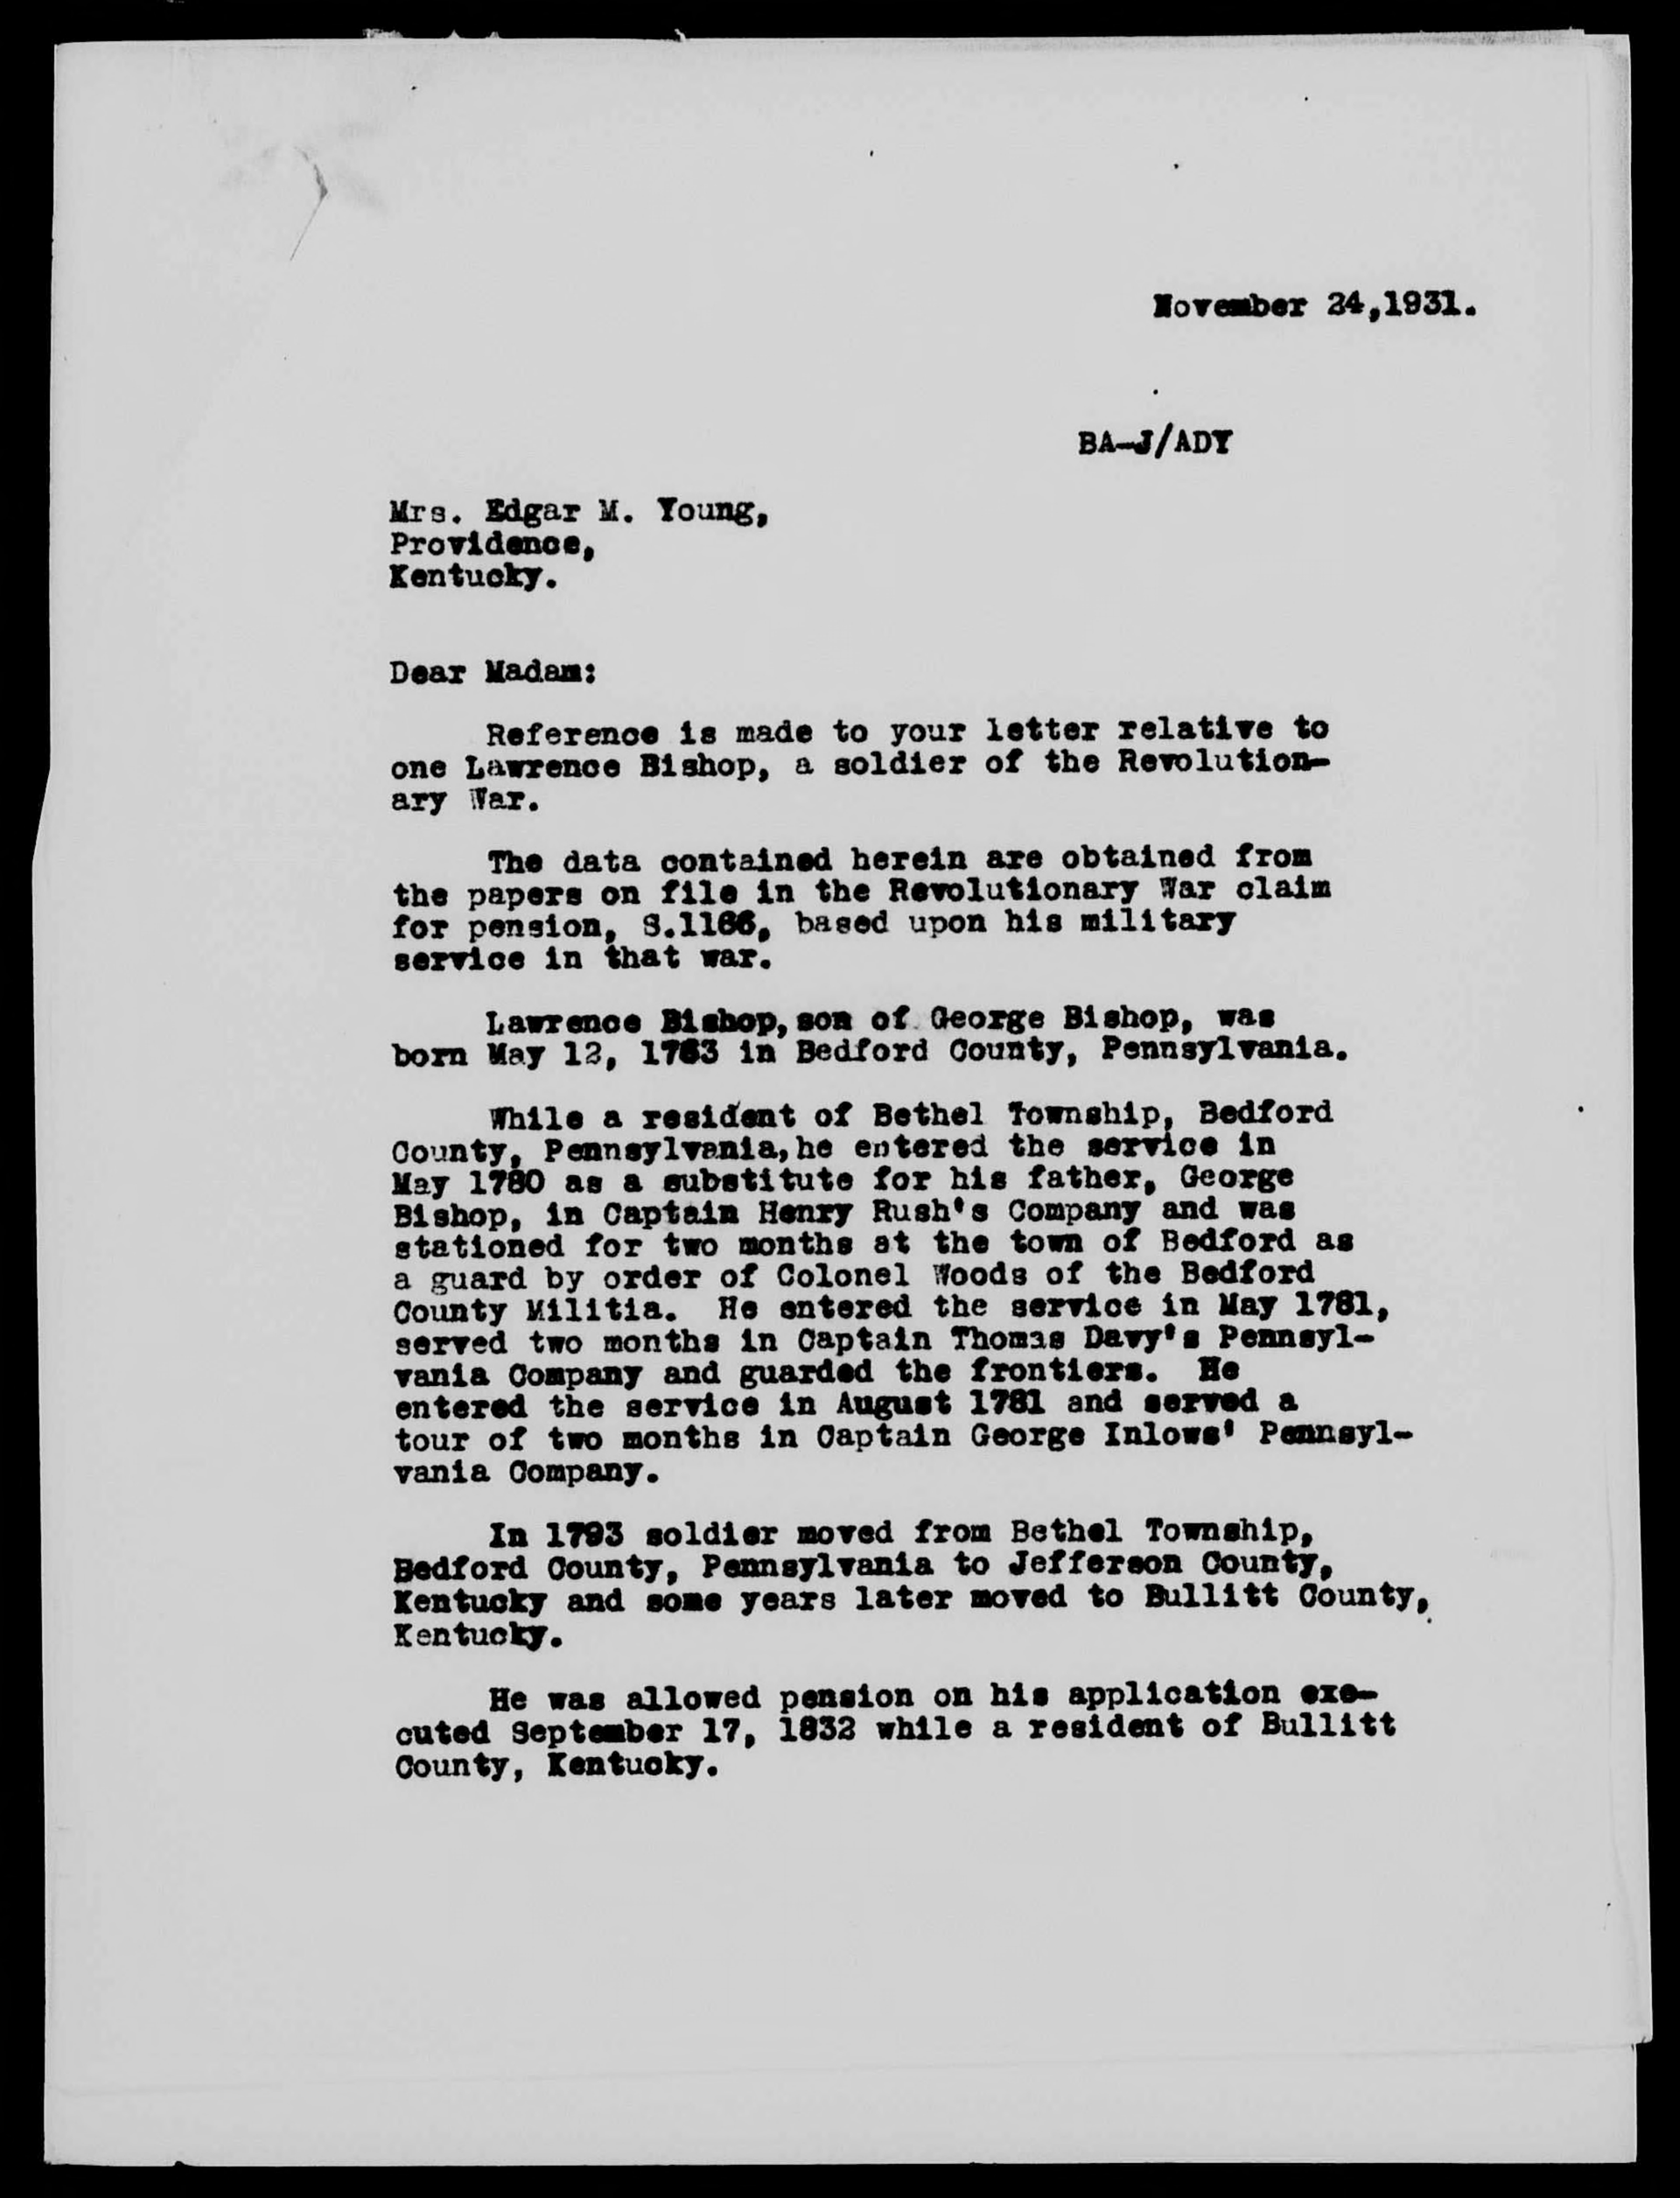November 24,1931   
BA-J/ADY  
Mrs. Edgar M. Young 
Providence, Kentucy
Dear Madam:     
Reference is made to your letter relative to one Lawrence Bishop, a soldier of the Revolutionary War . 
The data contained herein are obtained from the papers on file in the Revolutionary War claim for pension, S.1166, based upon his military service in that war. 
Lawrence Bishop, son of George Bishop, was born May 13, 1763 in Bedford County, Pennsylvania. 
While a resident of Bethel Township, Bedford County, Pennsylvania, he entered the service in May 1780 as a substitute for his father, George Bishop, in Captain Henry Rush's Company and was stationed for two months at the town of Bedford as a guard by order of Colonel Woods of the Bedford County Militia. He entered the service in May 1781, served two months in Captain Thomas Davy's Pennsylvania Company and guarded the frontiers. He entered the service in August 1781 and served a tour of two months in Captain George Inlows' Pennsylvania Company. 
In 1793 soldier moved from Bethel Township, Bedford County, Pennsylvania to Jefferson County, Kentucky and some years later moved to Bullitt County, Kentucky. 
He was allowed pension on his application executed September 17, 1832 while a resident of Bullitt County, Kentucky.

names: Lawrence Bishop, Woods, Edgar M Young, George Bishop, Lawrence Bishop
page: 14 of 26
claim: survivor's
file: S.1,166, Lawrence Bishop, Penn.